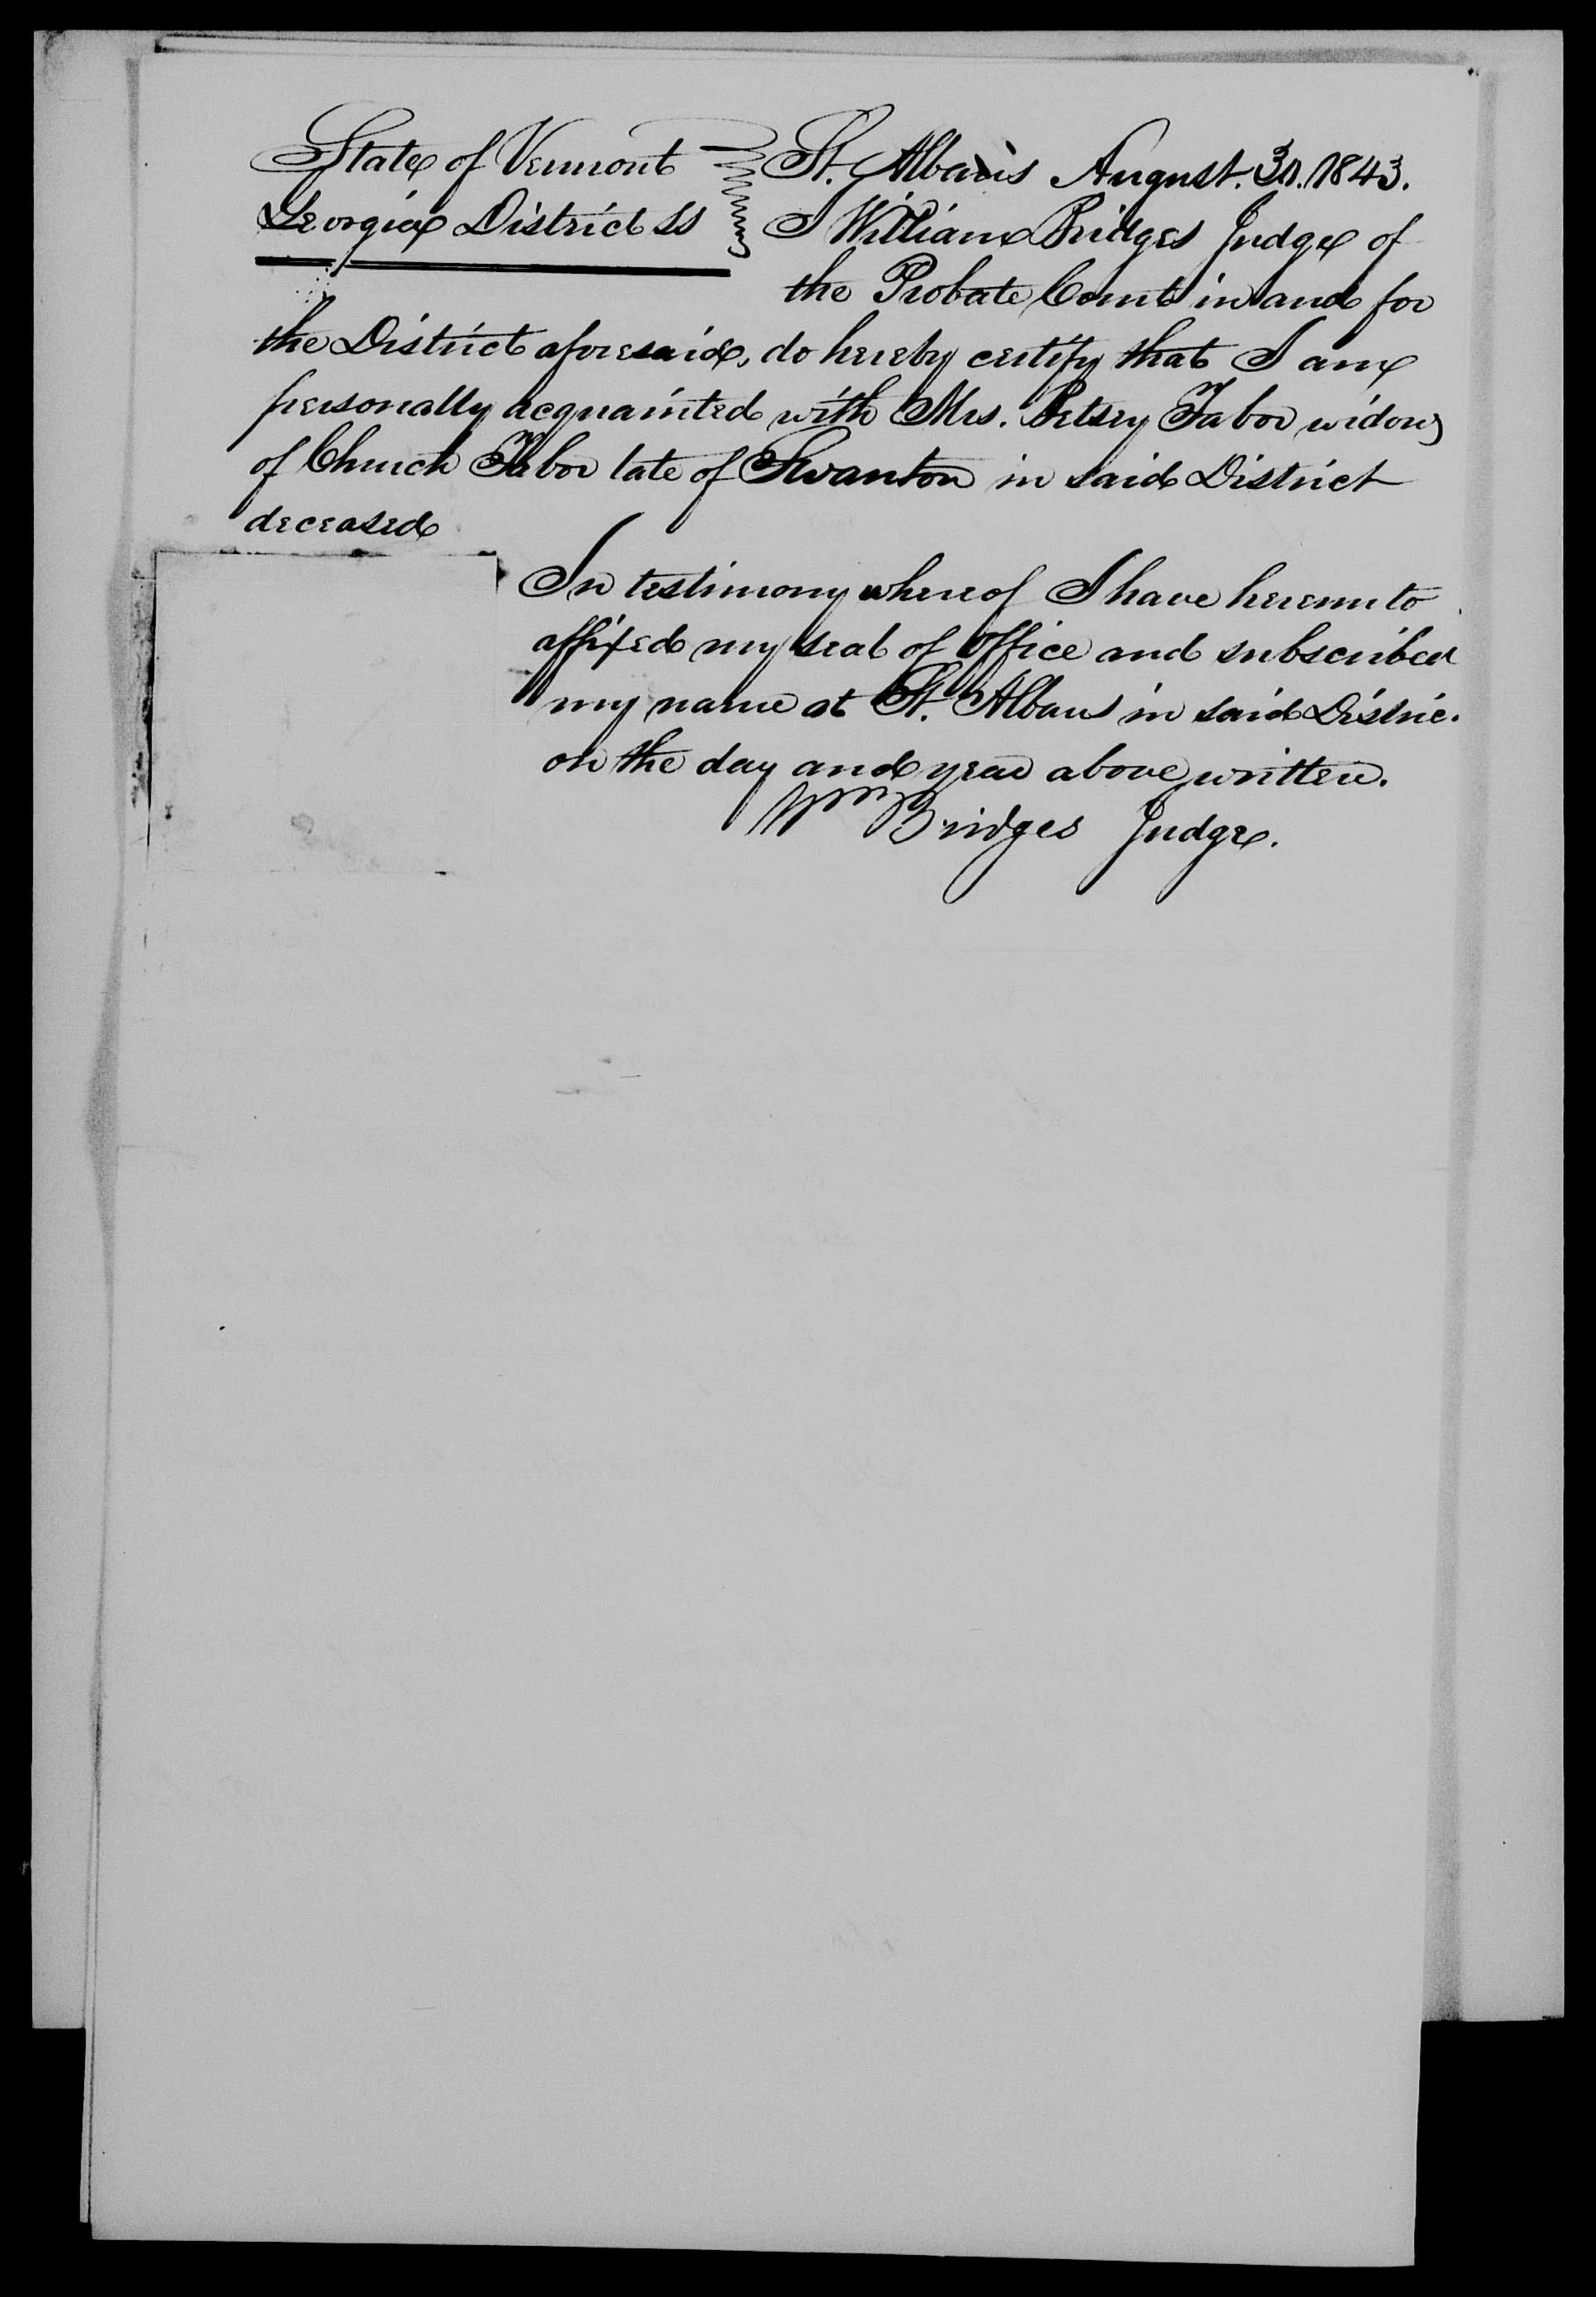State of Vermont
Georgia District SS 
St. Albans August 30, 1843
I William Bridges Judge of the Probate Court in and for the District aforesaid, do hereby certify that I am personally acquainted with Mrs. Betsey Tabor widow of Church Tabor late of Swanton in said District deceased.

(seal)
In testimony whereof I have hereunto affixed my seal of office and subscribed my name at St. Albans in said District on the day and year above written.
Wm. Bridges, Judge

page: 29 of 41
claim: widow's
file: W 26507, for Church Tabor, Massachusetts